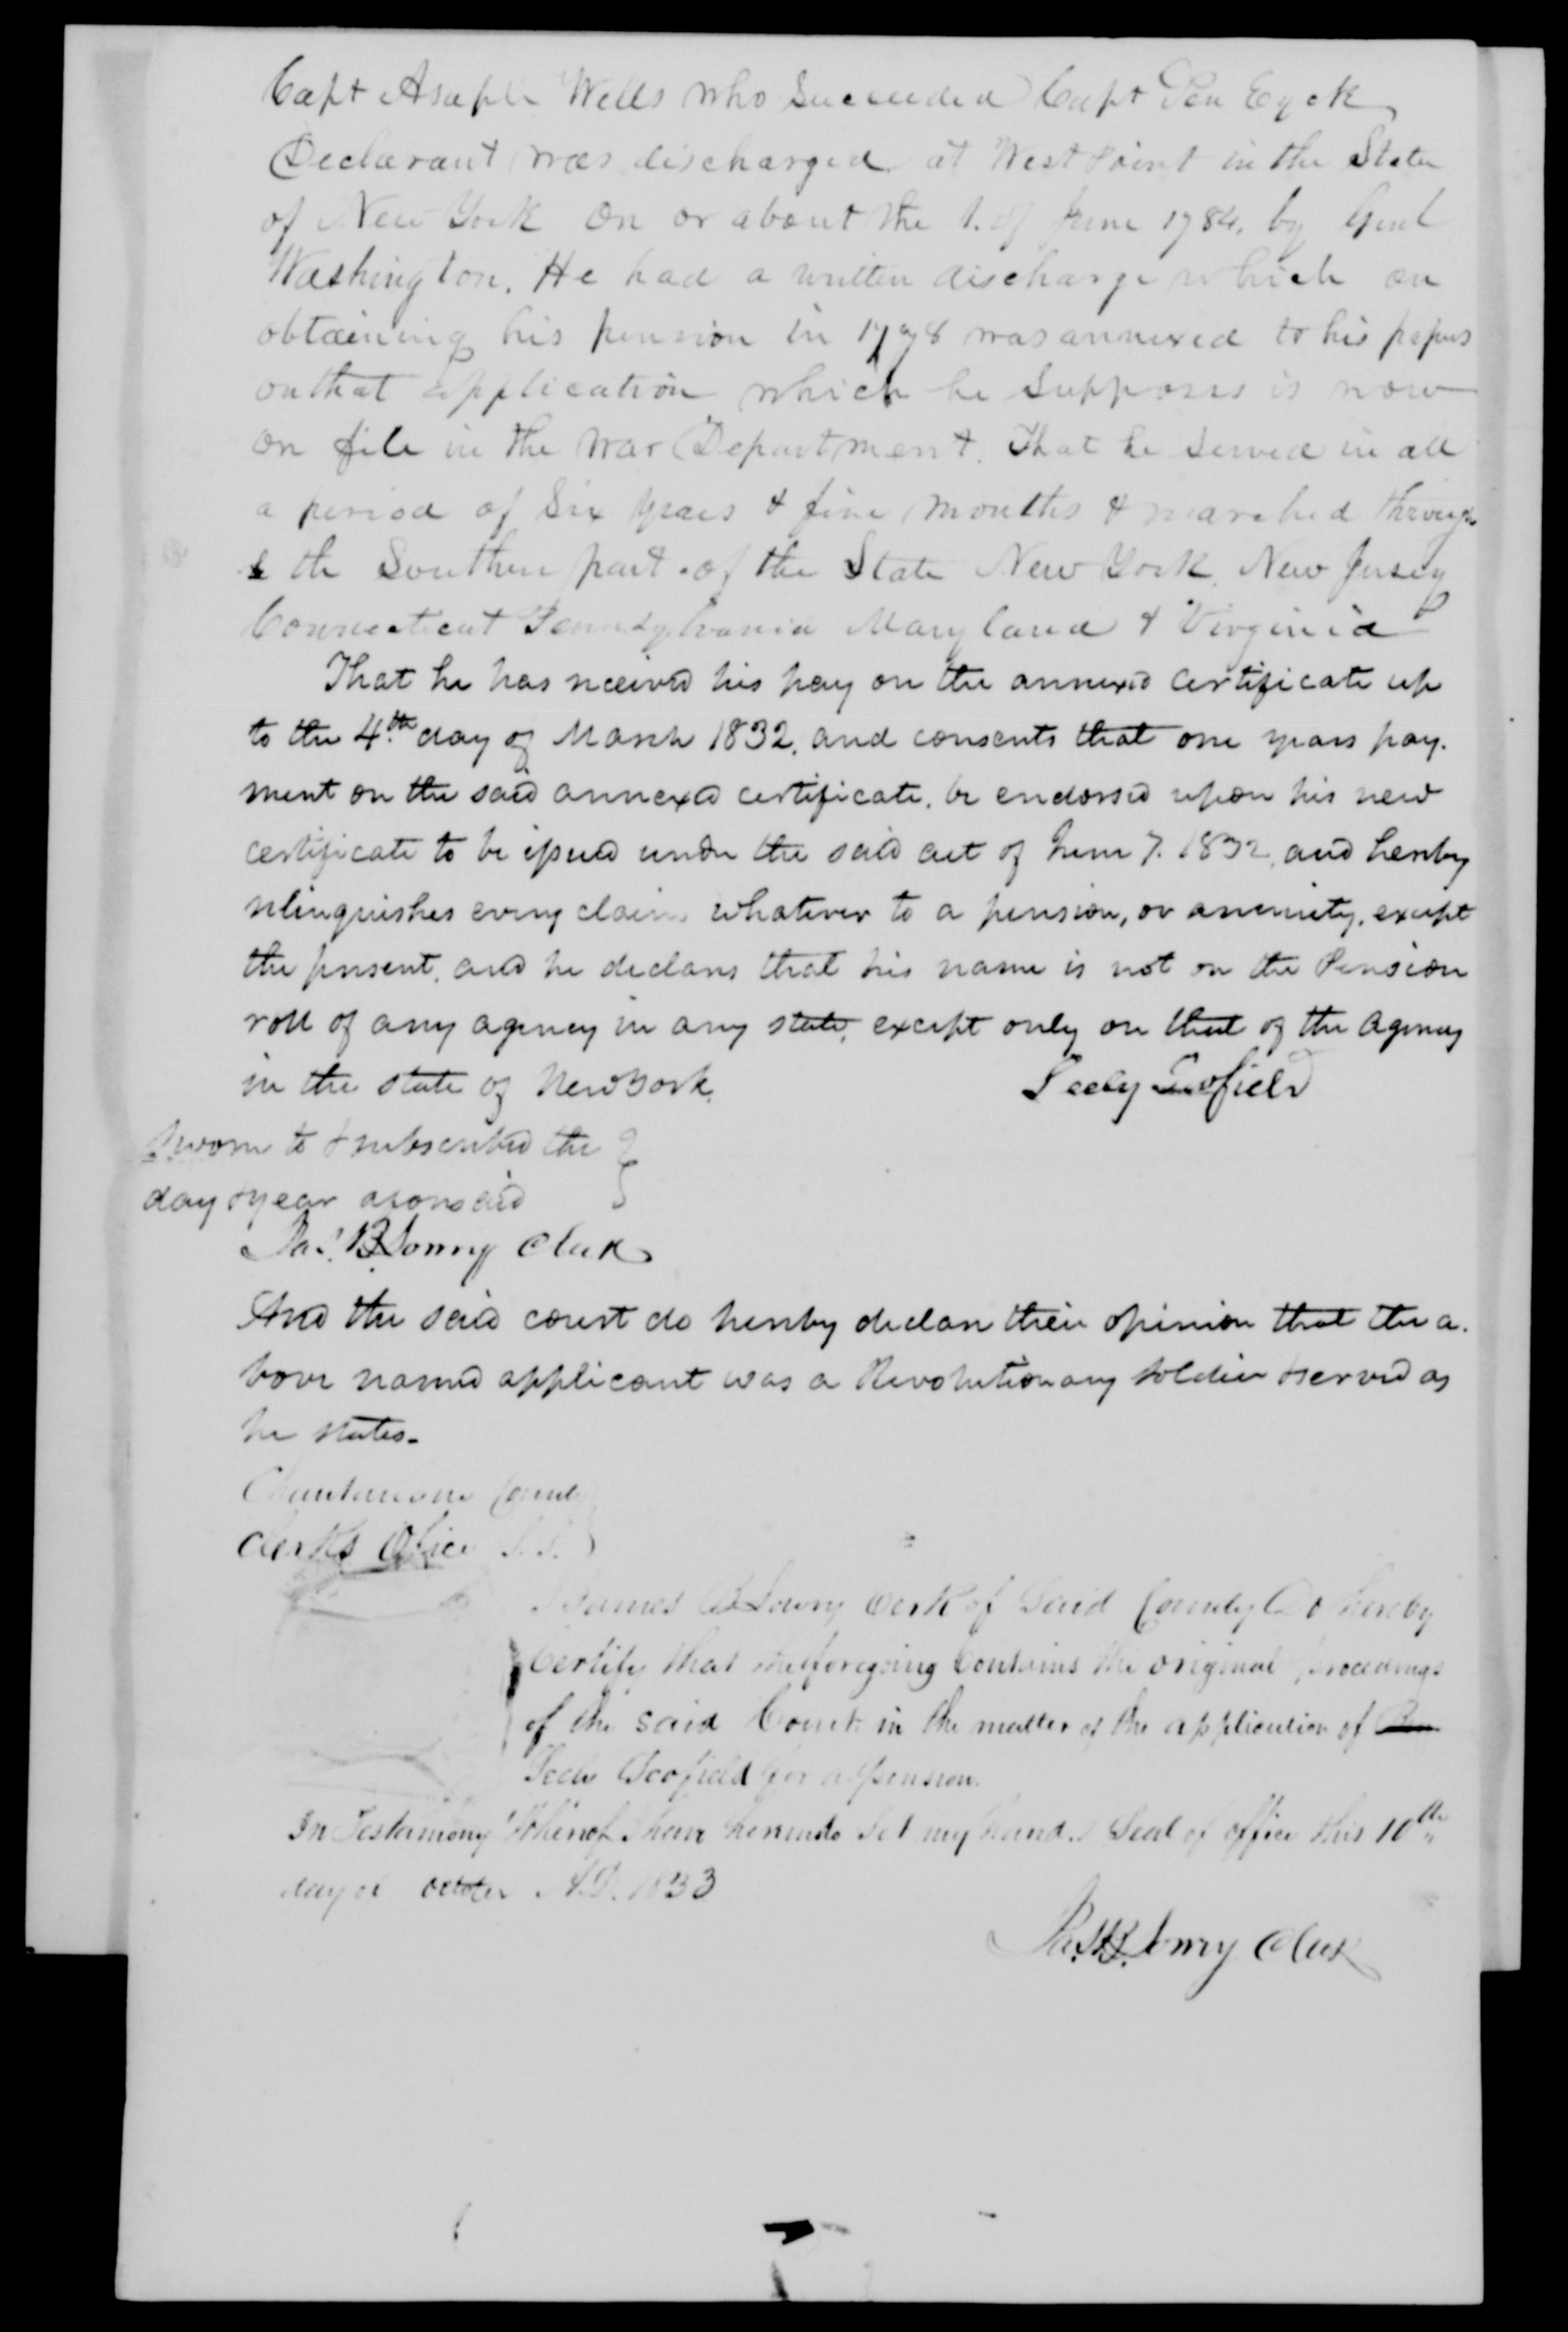Capt Asaph Wells who succeeded Capt Ten Eyck.   
Declarant was discharged at West point in the State of New York on or about the 1 of June 1784, by Genl Washington. He had a written discharge which on obtaining his pension in 1778 was annexed to his papers on that application which he supposes is now on file in the war Department. That he served in all a period of six years & five months & marched through the Southern part of the State New York, New Jersey, Connecticut & Pennsylvania, Maryland & Virginia.   That he has received his pay on the annexed certificate up to the 4th day of March 1832, and consents that one years payment on the said annexed certificate, be endorsed upon his new certificate to be issued under the said act of June 7, 1832, and he hereby relinquishes every claim whatever to a pension or annuity, except the present, and he declares that his name is not on the Pension  roll of any agency in any state, except only on that of the Agency in the State of New York.
Seely Scofield
Sworn to & subscribed the day & year aforesaid  
Jas B. Lowry Clerk 
And the said Court do hereby declare their opinion that the above named applicant was a Revolutionary soldier & served as he states. 
Chautauqua Court 
Clerks Office SS. } 
I  James B Lowry Town Clerk of said County do hereby certify that the foregoing contains the original proceedings of the said Court in the matter of the application of Seely Scofield for a pension. 
In Testimony whereof I have hereunto set my hand seal of office this 10th day of October A. D. 1833 
Jas B. Lowry Clerk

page: 4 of 36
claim: survivor's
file: S. 10,004, for Seely Scofield, Connecticut